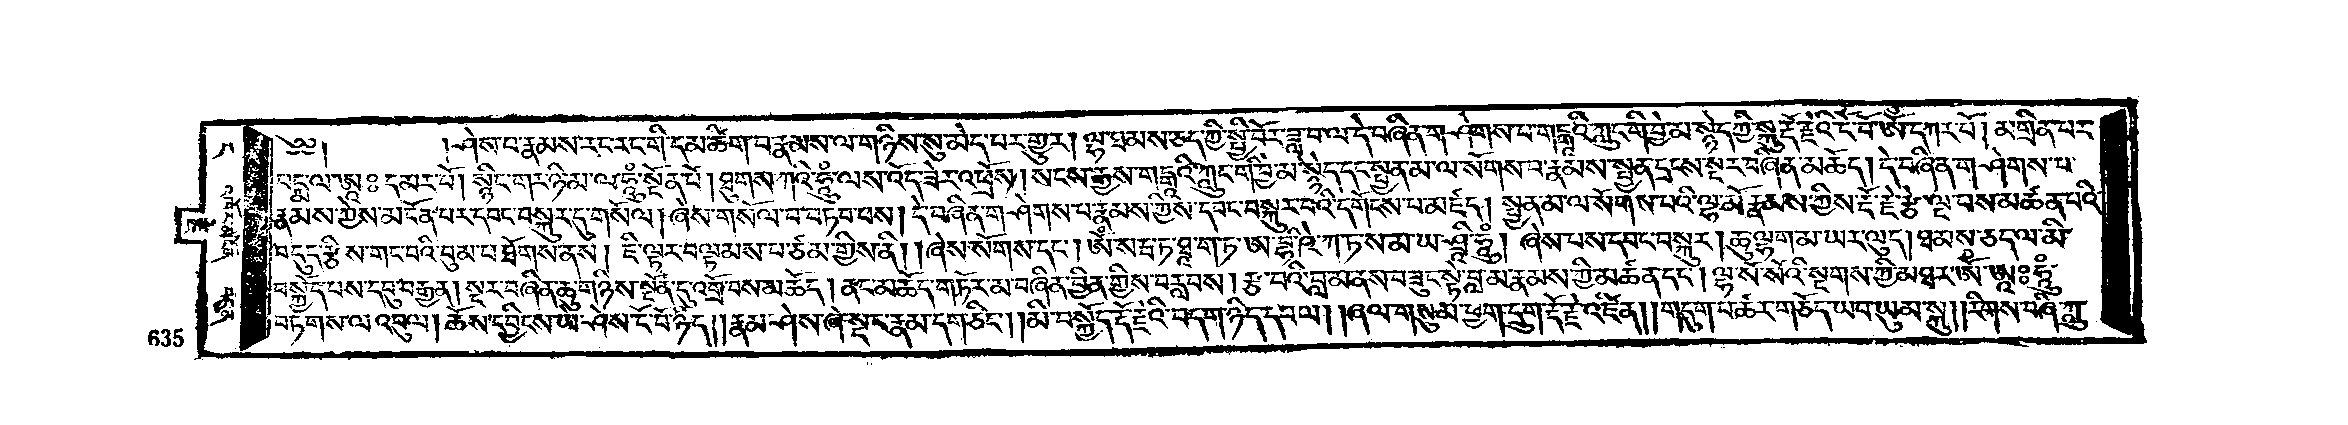༄༅། །ཤེས་པ་རྣམས་རང་རང་གི་དམ་ཚིག་པ་རྣམས་ལ་གཉིས་སུ་མེད་པར་གྱུར། ལྷ་ཐམས་ཅད་ཀྱི་སྤྱི་བོར་ཟླ་བ་ལ་དེ་བཞིན་གཤེགས་པ་གངྒཱའི་ཀླུང་གི་བྱེ་མ་སྙེད་ཀྱི་སྐུ་རྡོ་རྗེའི་ངོ་བོ་ཨོཾ་དཀར་པོ། མགྲིན་པར་
པདམ་ལ་ཨཱཿ དམར་པོ། སྙིང་གར་ཉི་མ་ལ་ཧཱུཾ་སྔོན་པོ། ཐུགས་ཀའི་ཧཱུཾ་ལས་འོད་ཟེར་འཕྲོས། སངས་རྒྱས་གངྒཱའི་ཀླུང་གི་བྱེ་མ་སྙེད་དང་སྤྱན་མ་ལ་སོགས་པ་རྣམས་སྤྱན་དྲངས་སྔར་བཞིན་མཆོད། དེ་བཞིན་གཤེགས་པ་
རྣམས་ཀྱིས་མངོན་པར་དབང་བསྐུར་དུ་གསོལ། ཞེས་གསོལ་བ་བཏབ་པས། དེ་བཞིན་གཤེགས་པ་རྣམས་ཀྱིས་དབང་བསྐུར་བའི་དགོངས་པ་མཛད། སྤྱན་མ་ལ་སོགས་པའི་ལྷ་མོ་རྣམས་ཀྱིས་རྡོ་རྗེ་རྩེ་ལྔ་པས་མཚན་པའི་
བདུད་རྩིས་གང་བའི་བུམ་པ་ཐོགས་ནས། ཇི་ལྟར་བལྟམས་པ་ཙམ་གྱིས་ནི། །ཞེས་སོགས་དང་། ཨོཾ་སརྦ་ཏ་ཐཱ་ག་ཏ་ཨ་བྷི་ཥེ་ཀ་ཏ་ས་མ་ཡ་ཤྲཱི་ཧཱུཾ། ཞེས་པས་དབང་བསྐུར། ཆུ་ལྷག་མ་ཡར་ལུད། ཐམས་ཅད་ལ་མི་
བསྐྱོད་པས་དབུ་བརྒྱན། སྔར་བཞིན་ཆུ་གཉིས་སྔོན་དུ་འགྲོ་བས་མཆོད། ནང་མཆོད་གཏོར་མ་བཞིན་བྱིན་གྱིས་བརླབས། རྩ་བའི་བླ་མ་ནས་བཟུང་སྟེ་བླ་མ་རྣམས་ཀྱི་མཚན་དང་། ལྷ་སོ་སོའི་སྔགས་ཀྱི་མཐར་ཨོཾ་ཨཱཿ ཧཱུཾ་
བཏགས་ལ་འབུལ། ཆོས་དབྱིངས་ཡེ་ཤེས་ངོ་བོ་ཉིད། །རྣམ་ཤེས་ཞེ་སྡང་རྣམ་དག་ཅིང་། །མི་བསྐྱོད་རྡོ་རྗེའི་བདག་ཉིད་དཔལ། །ཞལ་གསུམ་ཕྱག་དྲུག་རྡོ་རྗེ་འཛིན། །གདུག་པ་ཚར་གཅོད་ཡབ་ཡུམ་སྐུ། །རིགས་བཞི་ཀླུ་